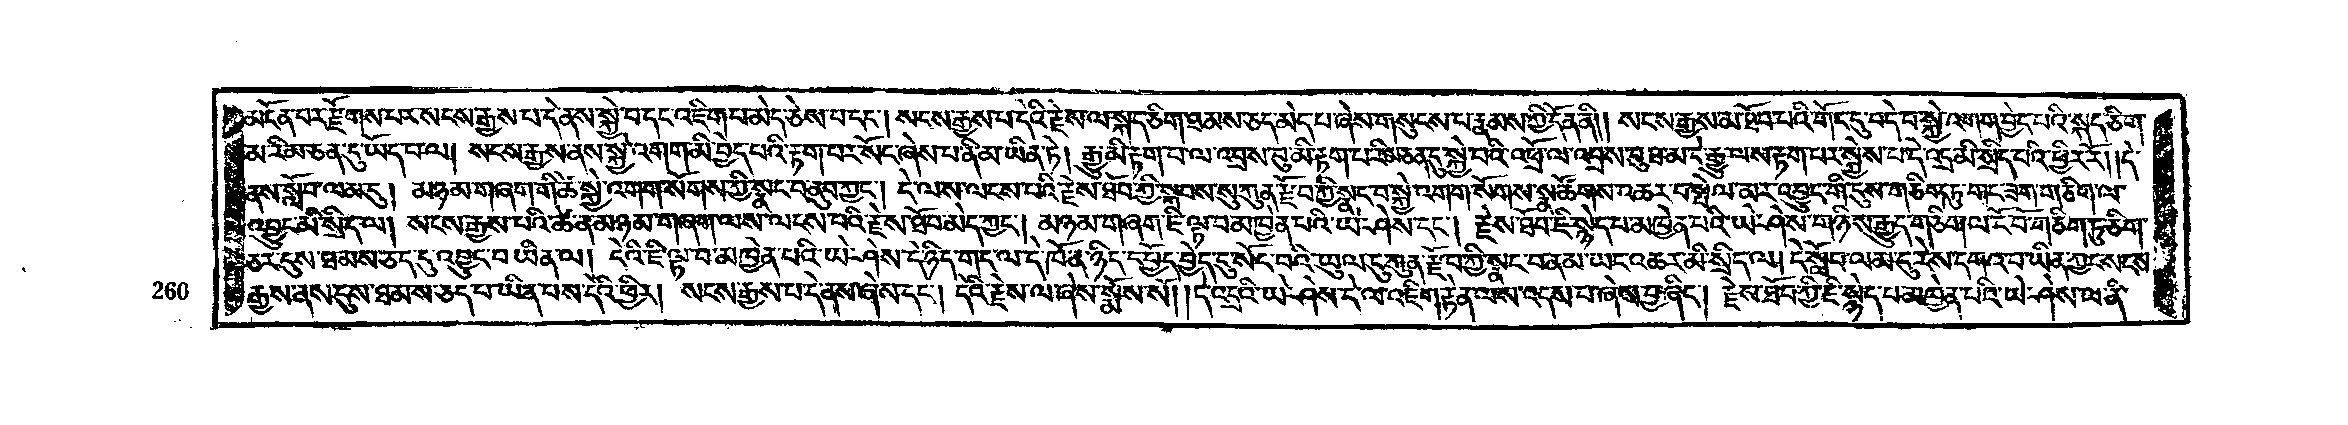མངོན་པར་རྫོགས་པར་སངས་རྒྱས་པ་དེ་ནས་སྐྱེ་བ་དང་འཇིག་པ་མེད་ཅེས་པ་དང་། སངས་རྒྱས་པ་དེའི་རྗེས་ལ་སྐད་ཅིག་ཐམས་ཅད་མེད་པ་ཞེས་གསུངས་པ་རྣམས་ཀྱི་དོན་ནི། །སངས་རྒྱས་མ་ཐོབ་པའི་གོང་དུ་བདེ་བ་སྐྱེ་འགག་བྱེད་པའི་སྐད་ཅིག་
མ་རིམ་ཅན་དུ་ཡོད་པ་ལ། སངས་རྒྱས་ནས་སྐྱེ་འགག་མི་བྱེད་པའི་རྟག་པར་སོང་ཞེས་པ་ནི་མ་ཡིན་ཏེ། རྒྱུ་མི་རྟག་པ་ལ་འབྲས་བུ་མི་རྟག་པ་རིམ་ཅན་དུ་སྐྱེ་བའི་འཕྲོ་ལ་འབྲས་བུ་ཐ་མ་དེ་རྒྱུ་ལས་རྟག་པར་སྐྱེས་པ་དེ་འདྲ་མི་སྲིད་པའི་ཕྱིར་རོ། །དེ་
ནས་སློབ་ལམ་དུ། མཉམ་གཞག་གི་ཚེ་སྐྱེ་འགག་སོགས་ཀྱི་སྣང་བ་ནུབ་ཀྱང་། དེ་ལས་ལངས་པའི་རྗེས་ཐོབ་ཀྱི་སྐབས་སུ་ཀུན་རྫོབ་ཀྱི་སྣང་བ་སྐྱེ་འགག་སོགས་སྣ་ཚོགས་འཆར་བ་སྤེལ་མར་འབྱུང་གི་དུས་གཅིག་ཏུ་གང་ཟག་གཅིག་ལ་
འབྱུང་མི་སྲིད་ལ། སངས་རྒྱས་པའི་ཚེ་ན་མཉམ་གཞག་ལས་ལངས་པའི་རྗེས་ཐོབ་མེད་ཀྱང་། མཉམ་གཞག་ཇི་ལྟ་བ་མཁྱེན་པའི་ཡེ་ཤེས་དང་། རྗེས་ཐོབ་ཇི་སྙེད་པ་མཁྱེན་པའི་ཡེ་ཤེས་གཉིས་རྒྱུད་གཅིག་ལ་ངོ་བོ་གཅིག་ཏུ་ཅིག་
ཅར་དུས་ཐམས་ཅད་དུ་འབྱུང་བ་ཡིན་ལ། དེའི་ཇི་ལྟ་བ་མཁྱེན་པའི་ཡེ་ཤེས་དེ་ཉིད་གང་ལ་དེ་ཁོ་ན་ཉིད་དཔྱོད་བྱེད་དུ་སོང་བའི་ཡུལ་དུ་ཀུན་རྫོབ་ཀྱི་སྣང་བ་ནམ་ཡང་འཆར་མི་སྲིད་ལ། དེ་སློབ་ལམ་དུ་རེས་དགའ་བ་ཡིན་ཀྱང་སངས་
རྒྱས་ནས་དུས་ཐམས་ཅད་པ་ཡིན་པས་དེའི་ཕྱིར། སངས་རྒྱས་པ་དེ་ནས་ཞེས་དང་། དེའི་རྗེས་ལ་ཞེས་སྨོས་སོ། །དེ་འདྲའི་ཡེ་ཤེས་དེ་ལ་འཇིག་རྟེན་ལས་འདས་པ་ཞེས་བྱ་ཞིང་། རྗེས་ཐོབ་ཀྱི་ཇི་སྙེད་པ་མཁྱེན་པའི་ཡེ་ཤེས་ལ་ནི་